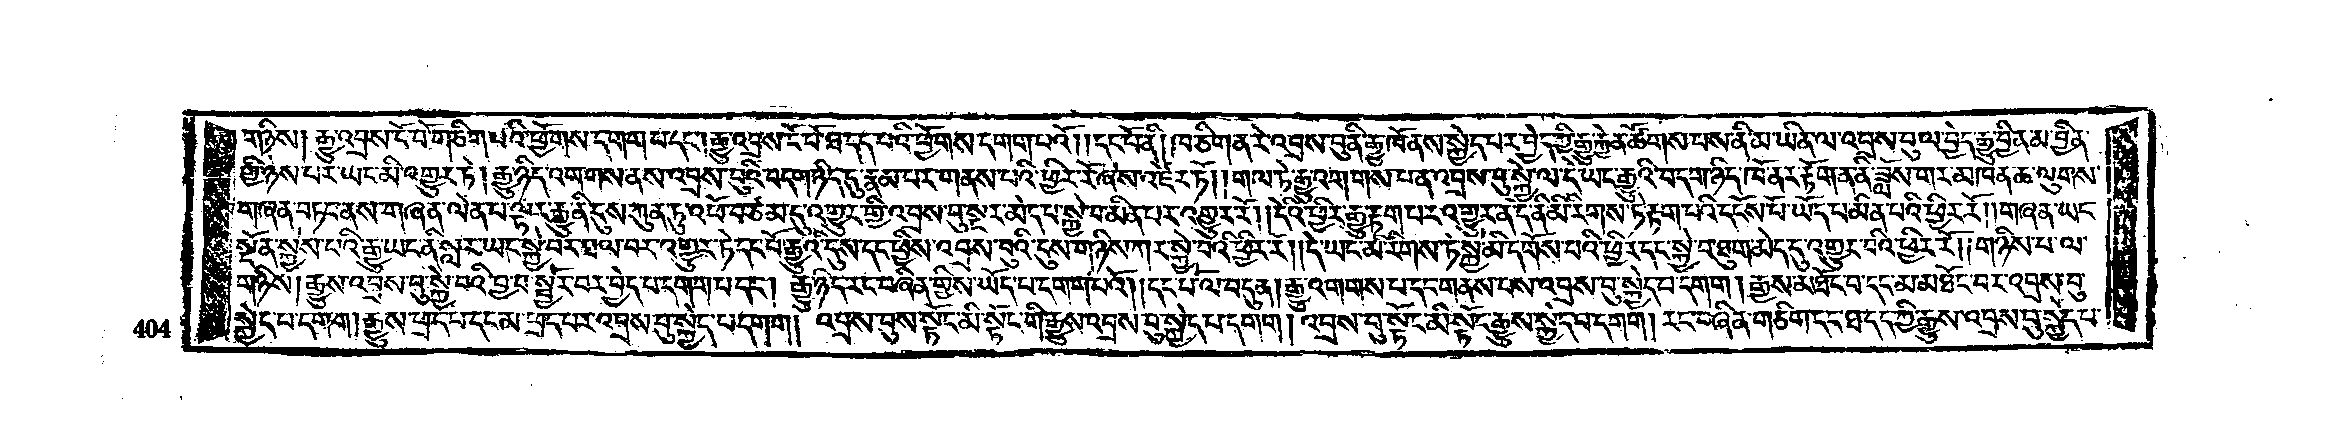གཉིས། རྒྱུ་འབྲས་ངོ་བོ་གཅིག་པའི་ཕྱོགས་དགག་པ་དང་། རྒྱུ་འབྲས་ངོ་བོ་ཐ་དད་པའི་ཕྱོགས་དགག་བའོ། །དང་པོ་ནི། ཁ་ཅིག་ན་རེ་འབྲས་བུ་ནི་རྒྱུ་ཁོ་ནས་སྐྱེད་པར་བྱེད་ཀྱི་རྒྱུ་རྐྱེན་ཚོགས་པས་ནི་མ་ཡིན་ལ་འབྲས་བུ་ལ་བྱེད་རྒྱུ་བྱིན་མ་བྱིན་
གྱི་ཉེས་པར་ཡང་མ་འགྱུར་ཏེ། རྒྱུ་ཉིད་འགགས་ནས་འབྲས་བུའི་བདག་ཉིད་དུ་རྣམ་པར་གནས་པའི་ཕྱིར་རོ་ཞེས་འཛེར་ཏོ། །གལ་ཏེ་རྒྱུ་འགགས་པ་ན་འབྲས་བུ་སྤྱི་ལ་དེ་ཡང་རྒྱུའི་བདག་ཉིད་ཁོ་ནར་རྟོག་ན་ནི་ཟློས་གར་མཁན་ཆ་ལུགས་
གཞན་བཏང་ནས་གཞན་ལེན་པ་ལྟར་རྒྱུ་ནི་དུས་ཀུན་ཏུ་འཕོ་བ་ཙམ་དུ་འགྱུར་གྱི་འབྲས་བུ་སྔར་མེད་པ་སྐྱེ་བ་མིན་པར་འགྱུར་རོ། །དེའི་ཕྱིར་རྒྱུ་རྟག་པར་འགྱུར་ན་དེ་ནི་མི་རིགས་ཏེ་རྟག་པའི་དངོས་པོ་ཡོད་པ་མིན་པའི་ཕྱིར་རོ། །གཞན་ཡང་
སྔོན་སྐྱེས་པའི་རྒྱུ་ཡང་ན་སླར་ཡང་སྐྱེ་བར་ཐལ་བར་འགྱུར་ཏེ་དང་པོ་རྒྱུའི་དུས་དང་ཕྱིས་འབྲས་བུའི་དུས་གཉིས་ཀར་སྐྱེ་བའི་ཕྱིར་རོ། །དེ་ཡང་མི་རིགས་ཏེ་སྐྱེ་མི་དགོས་པའི་ཕྱིར་དང་སྐྱེ་བ་ཐུག་མེད་དུ་འགྱུར་བའི་ཕྱིར་རོ། །གཉིས་པ་ལ་
གཉིས། རྒྱུས་འབྲས་བུ་སྐྱེ་བའི་བྱ་བ་སྦྱོར་བར་བྱེད་པ་དགག་པ་དང་། རྒྱུ་ཉིད་རང་བཞིན་གྱིས་ཡོད་པ་དགག་པའོ། །དང་པོ་ལ་བདུན། རྒྱུ་འགགས་པ་དང་གནས་པས་འབྲས་བུ་སྐྱེད་པ་དགག། རྒྱུས་མཐོང་བ་དང་མ་མཐོང་བར་འབྲས་བུ་
སྐྱེད་པ་དགག། རྒྱུས་ཕྲད་པ་དང་མ་ཕྲད་པར་འབྲས་བུ་སྐྱེད་པ་དགག། འབྲས་བུས་སྟོང་མི་སྟོང་གི་རྒྱུས་འབྲས་བུ་སྐྱེད་པ་དགག། འབྲས་བུ་སྟོང་མི་སྟོང་རྒྱུས་སྐྱེད་པ་དགག། རང་བཞིན་གཅིག་དང་ཐ་དད་ཀྱི་རྒྱུས་འབྲས་བུ་སྐྱེད་པ་